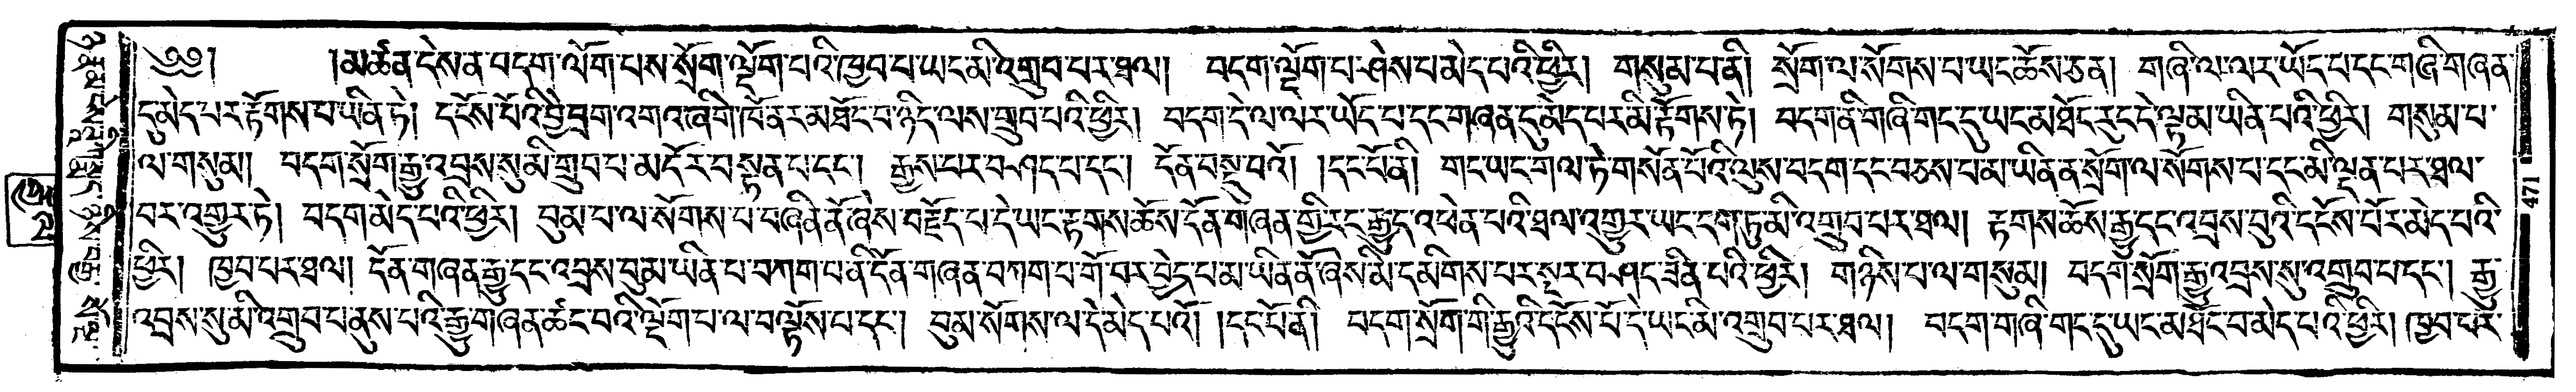༄༅། །མཚན་དེས་ན་བདག་ལོག་པས་སྲོག་ལྡོག་པའི་ཁྱབ་པ་ཡང་མི་འགྲུབ་པར་ཐལ། བདག་ལྡོག་པ་ཤེས་པ་མེད་པའི་ཕྱིར། གསུམ་པ་ནི། སྲོག་ལ་སོགས་པ་ཡང་ཆོས་ཅན། གཞི་ལ་ལར་ཡོད་པ་དང་གཞི་གཞན་
དུ་མེད་པར་རྟོགས་པ་ཡིན་ཏེ། དངོས་པོའི་བྱེ་བྲག་འགའ་ཞིག་ཁོ་ནར་མཐོང་བ་ཉིད་ལས་གྲུབ་པའི་ཕྱིར། བདག་དེ་ལ་ལར་ཡོད་པ་དང་གཞན་དུ་མེད་པར་མི་རྟོགས་ཏེ། བདག་ནི་གཞི་གང་དུ་ཡང་མཐོང་རུང་དེ་ལྟ་མ་ཡིན་པའི་ཕྱིར། གསུམ་པ་
ལ་གསུམ། བདག་སྲོག་རྒྱུ་འབྲས་སུ་མི་གྲུབ་པ་མདོར་བསྟན་པ་དང་། རྒྱས་པར་བཤད་པ་དང་། དོན་བསྡུ་བའོ། །དང་པོ་ནི། གང་ཡང་གལ་ཏེ་གསོན་པོའི་ལུས་བདག་དང་བཅས་པ་མ་ཡིན་ན་སྲོག་ལ་སོགས་པ་དང་མི་ལྡན་པར་ཐལ་
བར་འགྱུར་ཏེ། བདག་མེད་པའི་ཕྱིར། བུམ་པ་ལ་སོགས་པ་བཞིན་ནོ་ཞེས་བརྗོད་པ་དེ་ཡང་རྟགས་ཆོས་དོན་གཞན་གྱི་རང་རྒྱུད་འཕེན་པའི་ཐལ་འགྱུར་ཡང་དག་ཏུ་མི་འགྲུབ་པར་ཐལ། རྟགས་ཆོས་རྒྱུ་དང་འབྲས་བུའི་དངོས་པོར་མེད་པའི་
ཕྱིར། ཁྱབ་པར་ཐལ། དོན་གཞན་རྒྱུ་དང་འབྲས་བུ་མ་ཡིན་པ་བཀག་པ་ནི་དོན་གཞན་བཀག་པ་གོ་བར་བྱེད་པ་མ་ཡིན་ནོ་ཞེས་མི་དམིགས་པར་སྔར་བཤད་ཟིན་པའི་ཕྱིར། གཉིས་པ་ལ་གསུམ། བདག་སྲོག་རྒྱུ་འབྲས་བུ་སུ་འགྲུབ་པ་དང་། རྒྱུ་
འབྲས་སུ་མི་འགྲུབ་པ་ནུས་པའི་རྒྱུ་གཞན་ཚང་བའི་ལྡོག་པ་ལ་བལྟོས་པ་དང་། བུམ་སོགས་ལ་དེ་མེད་པའོ། །དང་པོ་ནི། བདག་སྲོག་གི་རྒྱུའི་དངོས་པོ་དེ་ཡང་མི་འགྲུབ་པར་ཐལ། བདག་གཞི་གང་དུ་ཡང་མཐོང་བ་མེད་པའི་ཕྱིར། ཁྱབ་པར་